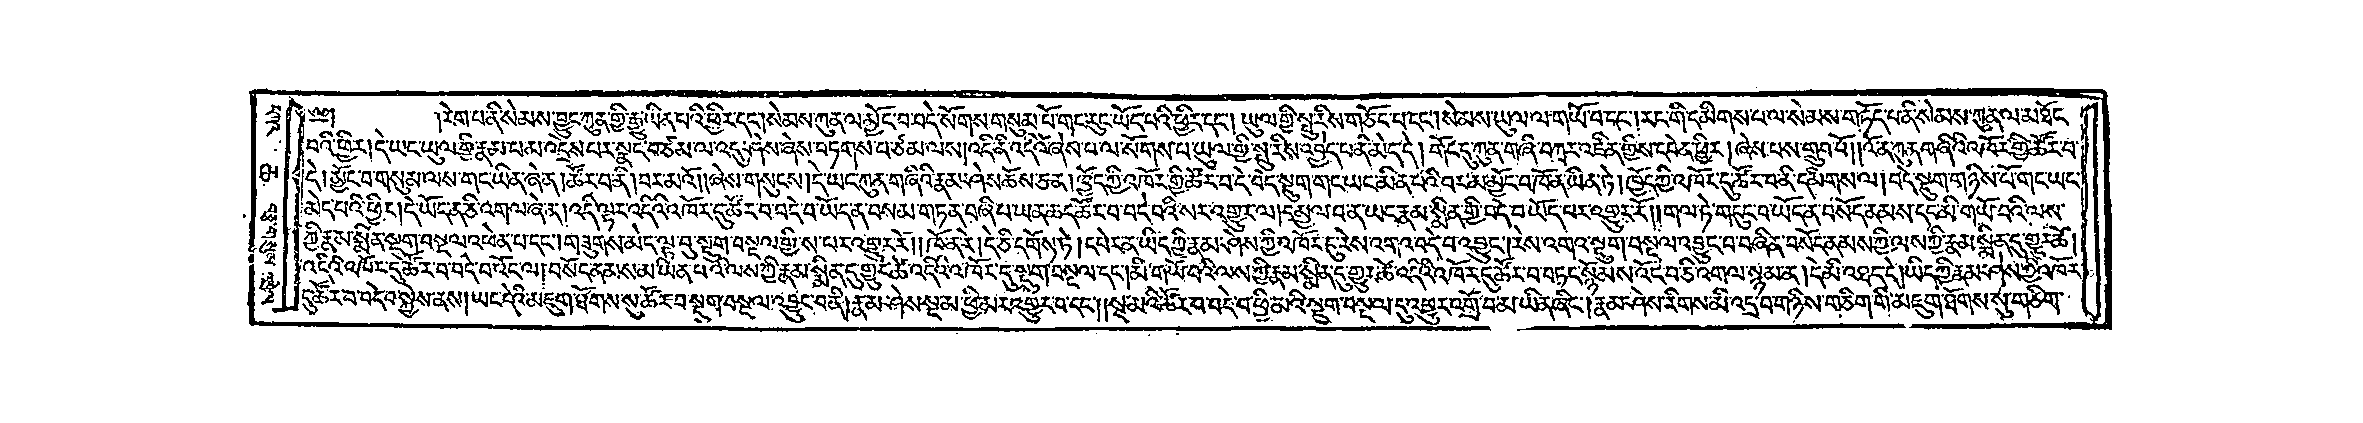༄༅། །རེག་པ་ནི་སེམས་བྱུང་ཀུན་གྱི་རྒྱུ་ཡིན་པའི་ཕྱིར་དང་། སེམས་ཀུན་ལ་མྱོང་བ་བདེ་སོགས་གསུམ་པོ་གང་རུང་ཡོད་པའི་ཕྱིར་དང་། ཡུལ་གྱི་སྤུ་རིས་གཅོད་པ་དང་། སེམས་ཡུལ་ལ་གཡོ་བ་དང་། རང་གི་དམིགས་པ་ལ་སེམས་གཏོད་པ་ནི་སེམས་ཀུན་ལ་མཐོང་
བའི་ཕྱིར། དེ་ཡང་ཡུལ་གྱི་རྣམ་པ་མ་འདྲེས་པར་སྣང་བ་ཙམ་ལ་འདུ་ཤེས་ཞེས་བཏགས་པ་ཙམ་ལས། འདི་ནི་འདིའོ་ཞེས་པ་ལ་སོགས་པ་ཡུལ་གྱི་སྤུ་རིས་འབྱེད་པ་ནི་མེད་དེ། གོང་དུ་ཀུན་གཞི་བཀྲར་འཛིན་གྱིས་དབེན་ཕྱིར། ཞེས་པས་གྲུབ་པོ། །འོ་ན་ཀུན་གཞིའི་འཁོར་གྱི་ཚོར་བ་
དེ། མྱོང་བ་གསུམ་ལས་གང་ཡིན་ཞེ་ན། ཚོར་བ་ནི། བར་མའོ། །ཞེས་གསུངས། དེ་ཡང་ཀུན་གཞིའི་རྣམ་ཤེས་ཆོས་ཅན། ཁྱོད་ཀྱི་འཁོར་གྱི་ཚོར་བ་དེ་བདེ་སྡུག་གང་ཡང་མིན་པའི་བར་མ་མྱོང་བ་ཁོ་ན་ཡིན་ཏེ། ཁྱོད་ཀྱི་འཁོར་དུ་ཚོར་བ་ནི་དམིགས་ལ། བདེ་སྡུག་གཉིས་པོ་གང་ཡང་
མེད་པའི་ཕྱིར། དེ་ཡོད་ན་ཅི་འགལ་ཞེ་ན། འདི་ལྟར་འདིའི་འཁོར་དུ་ཚོར་བ་བདེ་བ་ཡོད་ན་བསམ་གཏན་བཞི་པ་ཡན་ཆད་ཚོར་བ་བདེ་བའི་སར་འགྱུར་ལ། དམྱལ་བ་ན་ཡང་རྣམ་སྨིན་གྱི་བདེ་བ་ཡོད་པར་འགྱུར་རོ། །གལ་ཏེ་གདུང་བ་ཡོད་ན་བསོད་ནམས་དང་མི་གཡོ་བའི་ལས་
ཀྱི་རྣམ་སྨིན་སྡུག་བསྔལ་འཕེན་པ་དང་། གཟུགས་མེད་ལྟ་བུ་སྡུག་བསྔལ་གྱི་ས་པར་འགྱུར་རོ། །ཁོ་ན་རེ། དེ་ཅི་དགོས་ཏེ། དཔེར་ན་ཡིད་ཀྱི་རྣམ་ཤེས་ཀྱི་འཁོར་དུ་རེས་འགའ་བདེ་བ་འབྱུང་། རེས་འགའ་སྡུག་བསྔལ་འབྱུང་བ་བཞིན་བསོད་ནམས་ཀྱི་ལས་ཀྱི་རྣམ་སྨིན་དུ་གྱུར་ཚེ།
འདིའི་འཁོར་དུ་ཚོར་བ་བདེ་བ་འོང་ལ། བསོད་ནམས་མ་ཡིན་པའི་ལས་ཀྱི་རྣམ་སྨིན་དུ་གྱུར་ཚེ་འདིའི་འཁོར་དུ་སྡུག་བསྔལ་དང་། མི་གཡོ་བའི་ལས་ཀྱི་རྣམ་སྨིན་དུ་གྱུར་ཚེ་འདིའི་འཁོར་དུ་ཚོར་བ་བཏང་སྙོམས་འོང་བ་ཅི་འགལ་སྙམ་ན། དེ་མི་འཐད་དེ། ཡིད་ཀྱི་རྣམ་ཤེས་ཀྱི་འཁོར་
དུ་ཚོར་བ་བདེ་བ་སྐྱེས་ནས། ཡང་དེའི་མཇུག་ཐོགས་སུ་ཚོར་བ་སྡུག་བསྔལ་འབྱུང་བ་ནི། རྣམ་ཤེས་སྔ་མ་ཕྱི་མར་འགྱུར་བ་དང་། །སྔ་མའི་ཚོར་བ་བདེ་བ་ཕྱི་མའི་སྡུག་བསྔལ་དུ་འགྱུར་འགྲོ་བ་མ་ཡིན་ཞིང་། རྣམ་ཤེས་རིགས་མི་འདྲ་བ་གཉིས་གཅིག་གི་མཇུག་ཐོགས་སུ་གཅིག་